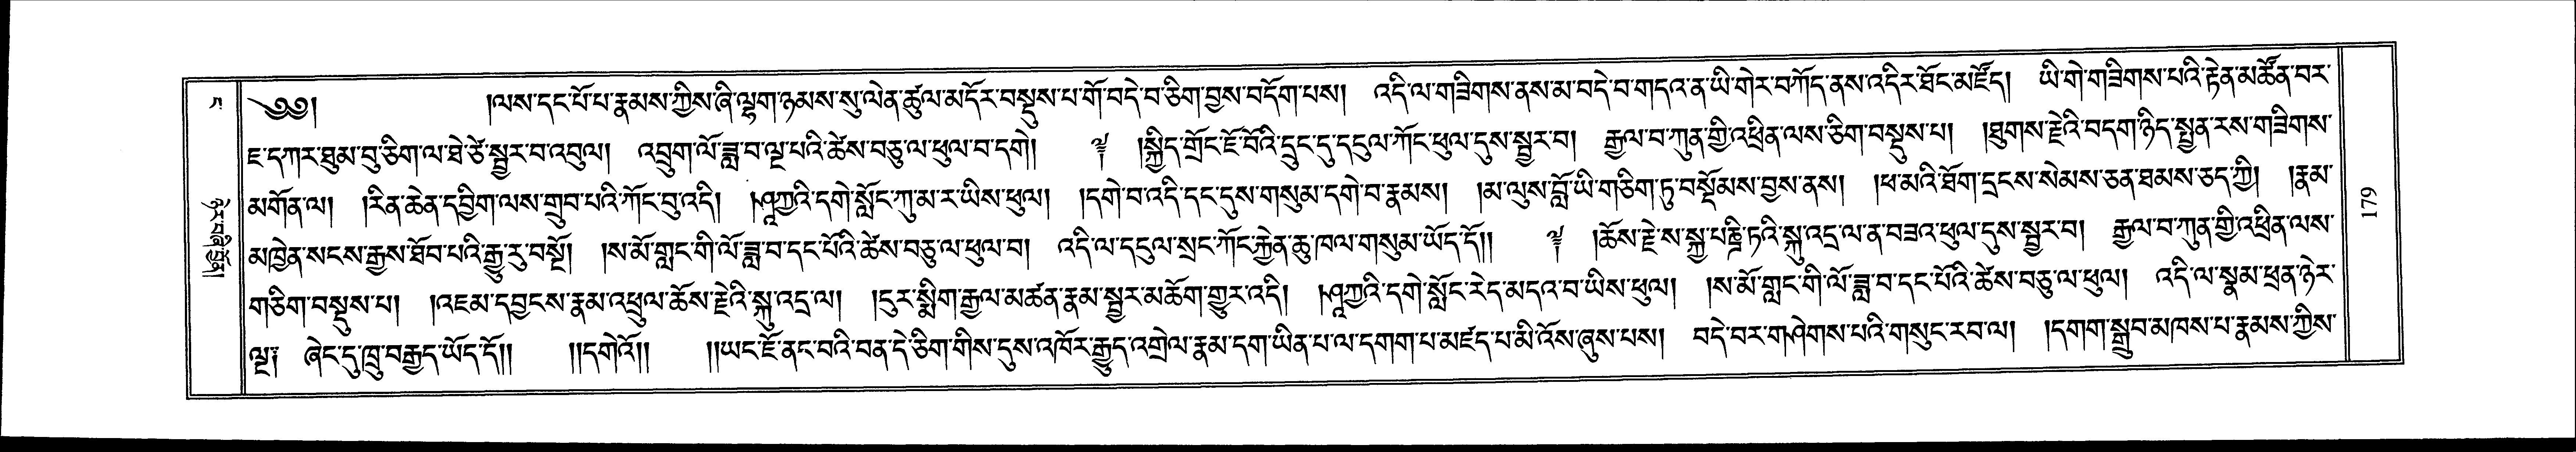༄༅། །ལས་དང་པོ་པ་རྣམས་ཀྱིས་ཞི་ལྷག་ཉམས་སུ་ལེན་ཚུལ་མདོར་བསྡུས་པ་གོ་བདེ་བ་ཅིག་བྱས་བདོག་པས། འདི་ལ་གཟིགས་ནས་མ་བདེ་བ་གདའ་ན་ཡི་གེར་བཀོད་ནས་འདིར་ཐོང་མཛོད། ཡི་གེ་གཟིགས་པའི་རྟེན་མཚོན་བར་
ཇ་དཀར་ཐུམ་བུ་ཅིག་ལ་ཐེ་ཙེ་སྦྱར་བ་འབུལ། འབྲུག་ལོ་ཟླ་བ་ལྔ་པའི་ཚེས་བཅུ་ལ་ཕུལ་བ་དགེ། ༈ །སྐྱིད་གྲོང་ཇོ་བོའི་དྲུང་དུ་དངུལ་ཀོང་ཕུལ་དུས་སྦྱར་བ། རྒྱལ་བ་ཀུན་གྱི་འཕྲིན་ལས་ཅིག་བསྡུས་པ། །ཐུགས་རྗེའི་བདག་ཉིད་སྤྱན་རས་གཟིགས་
མགོན་ལ། །རིན་ཆེན་དབྱིག་ལས་གྲུབ་པའི་ཀོང་བུ་འདི། །ཤཱཀྱིའི་དགེ་སློང་ཀུ་མ་ར་ཡིས་ཕུལ། །དགེ་བ་འདི་དང་དུས་གསུམ་དགེ་བ་རྣམས། །མ་ལུས་བློ་ཡི་གཅིག་ཏུ་བསྡོམས་བྱས་ནས། །ཕ་མའི་ཐོག་དྲངས་སེམས་ཅན་ཐམས་ཅད་ཀྱི། །རྣམ་
མཁྱེན་སངས་རྒྱས་ཐོབ་པའི་རྒྱུ་རུ་བསྔོ། །ས་མོ་གླང་གི་ལོ་ཟླ་བ་དང་པོའི་ཚེས་བཅུ་ལ་ཕུལ་བ། འདི་ལ་དངུལ་སྲང་ཀོང་རྐྱེན་ཆུ་ཁལ་གསུམ་ཡོད་དོ།། ༈ །ཆོས་རྗེ་ས་སྐྱ་པཎྜི་ཏའི་སྐུ་འདྲ་ལ་ན་བཟའ་ཕུལ་དུས་སྦྱར་བ། རྒྱལ་བ་ཀུན་གྱི་འཕྲིན་ལས་
གཅིག་བསྡུས་པ། །འཇམ་དབྱངས་རྣམ་འཕྲུལ་ཆོས་རྗེའི་སྐུ་འདྲ་ལ། །ངུར་སྨིག་རྒྱལ་མཚན་རྣམ་སྦྱར་མཆོག་གྱུར་འདི། །ཤཱཀྱའི་དགེ་སློང་རེད་མདའ་བ་ཡིས་ཕུལ། །ས་མོ་གླང་གི་ལོ་ཟླ་བ་དང་པོའི་ཚེས་བཅུ་ལ་ཕུལ། འདི་ལ་སྣམ་ཕྲན་ཉེར་
ལྔ། ཞེང་དུ་ཁྲུ་བརྒྱད་ཡོད་དོ།། །།དགེའོ།། །།ཡང་ཇོ་ནང་བའི་བན་དེ་ཅིག་གིས་དུས་འཁོར་རྒྱུད་འགྲེལ་རྣམ་དག་ཡིན་པ་ལ་དགག་པ་མཛད་པ་མི་འོས་ཞུས་པས། བདེ་བར་གཤེགས་པའི་གསུང་རབ་ལ། །དགག་སྒྲུབ་མཁས་པ་རྣམས་ཀྱིས་